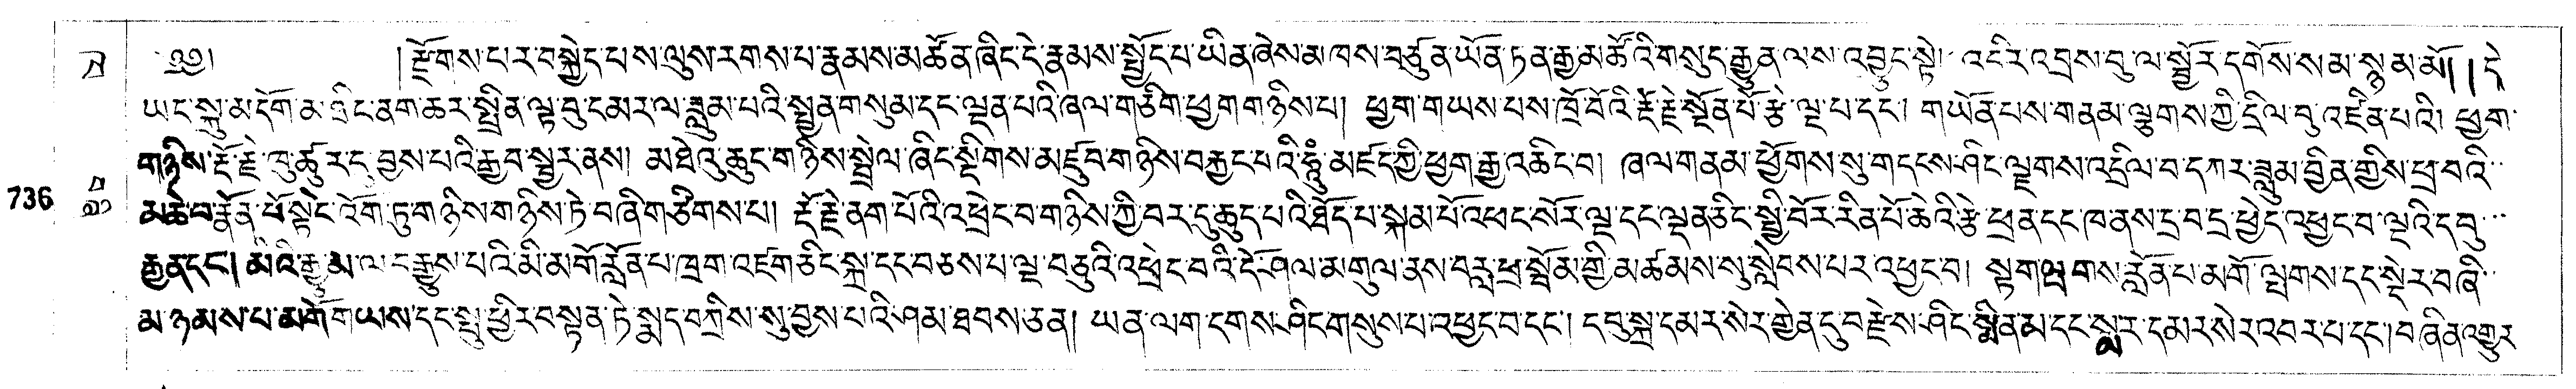༄༅། །རྫོགས་པར་བསྐྱེད་པས་ལུས་རགས་པ་རྣམས་མཚོན་ཞིང་དེ་རྣམས་སྤྱོད་པ་ཡིན་ཞེས་མཁས་བཙུན་ཡོན་ཏན་རྒྱ་མཚོའི་གསུང་རྒྱུན་ལས་འབྱུང་སྟེ། འདིར་འབྲས་བུ་ལ་སྦྱོར་དགོས་སམ་སྙམ་མོ། །དེ་
ཡང་སྐུ་མདོག་མཐིང་ནག་ཆར་སྤྲིན་ལྟ་བུ་དམར་ལ་ཟླུམ་པའི་སྤྱན་གསུམ་དང་ལྡན་པའི་ཞལ་གཅིག་ཕྱག་གཉིས་པ། ཕྱག་གཡས་པས་ཁྲོ་བོའི་རྡོ་རྗེ་སྔོན་པོ་རྩེ་ལྔ་པ་དང་། གཡོན་པས་གནམ་ལྕགས་ཀྱི་དྲིལ་བུ་འཛིན་པའི། ཕྱག་
གཉིས་རྡོ་རྗེ་ཁུ་ཚུར་དུ་བྱས་པའི་རྒྱབ་སྦྱར་ནས། མཐེའུ་ཆུང་གཉིས་སྦྲེལ་ཞིང་སྡིགས་མཛུབ་གཉིས་བརྐྱང་པའི་ཧཱུཾ་མཛད་ཀྱི་ཕྱག་རྒྱ་འཆིང་བ། ཞལ་གནམ་ཕྱོགས་སུ་གདངས་ཤིང་ལྗགས་འདྲིལ་བ་དཀར་ཟླུམ་བྱིན་གྱིས་ཕྲ་བའི་
མཆེ་བ་རྣོན་པོ་སྟེང་འོག་ཏུ་གཉིས་གཉིས་ཏེ་བཞི་གཙིགས་པ། རྡོ་རྗེ་ནག་པོའི་འཕྲེང་བ་གཉིས་ཀྱི་བར་དུ་ཆུད་པའི་ཐོད་པ་སྐམ་པོ་འཕང་སོར་ལྔ་དང་ལྡན་ཅིང་སྤྱི་བོར་རིན་པོ་ཆེའི་རྩེ་ཕྲན་དང་ཁ་ནས་དྲ་བ་དྲ་ཕྱེད་འཕྱང་བ་ལྔའི་དབུ་
རྒྱན་དང་། མིའི་རྒྱུ་མ་ལ་བརྒྱུས་པའི་མི་མགོ་རློན་པ་ཁྲག་འཛག་ཅིང་སྐྲ་དང་བཅས་པ་ལྔ་བཅུའི་འཕྲེང་བའི་དོ་ཤལ་མགུལ་ནས་བརླ་ཕྲ་སྦོམ་གྱི་མཚམས་སུ་སླེབས་པར་འཕྱང་བ། སྟག་ལྤགས་རློན་པ་མགོ་ལྤགས་དང་སྡེར་བཞི་
མ་ཉམས་པ་མགོ་གཡས་དང་སྤུ་ཕྱིར་བསྟན་ཏེ་སྨད་བཀྲིས་སུ་བྱས་པའི་ཤམ་ཐབས་ཅན། ཡན་ལག་དགས་ཤིང་གསུས་པ་འཕྱང་བ་དང་། དབུ་སྐྲ་དམར་སེར་གྱེན་དུ་བརྫེས་ཤིང་སྨིན་མ་དང་སླར་དམར་སེར་འབར་པ་དང་། བཞིན་འགྱུར་